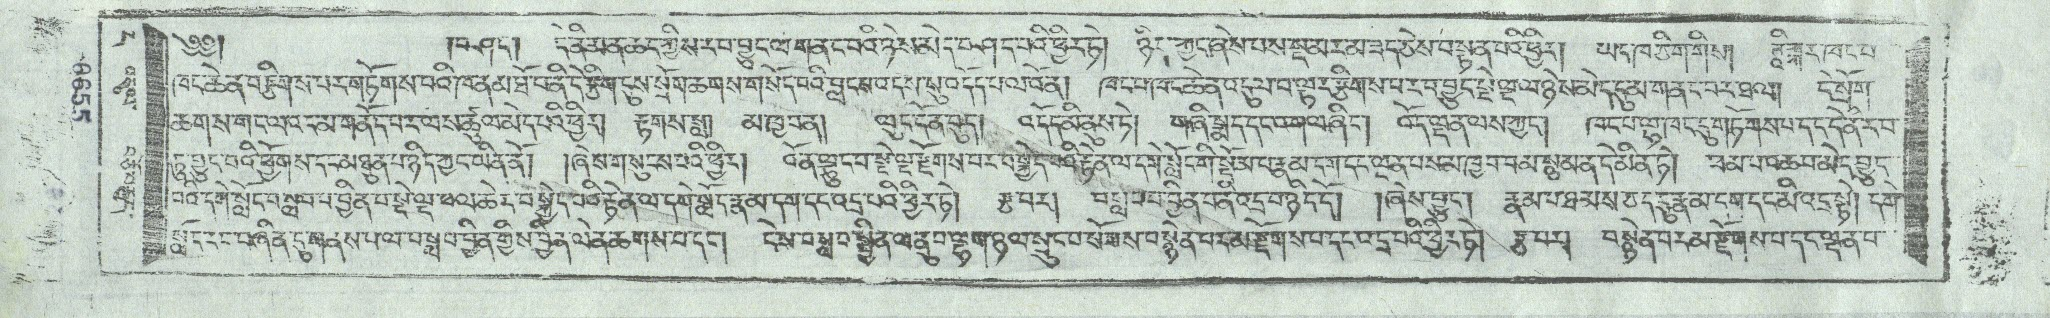༄༅། །བཤད། དེ་ནི་མན་ཆད་ཀྱིས་རབ་བྱུང་ལ་གནང་བའི་ཉེས་མེད་བཤད་པའི་ཕྱིར་ཏེ། ཉིད་ཀྱང་ཞེས་པས་སྔ་མར་མ་ཟད་ཅེས་བསྟན་པའི་ཕྱིར། ཡང་ཁ་ཅིག་གིས། ཊཱིཀྐར་ཁང་པ་
ཁང་ཆེན་བརྩིགས་པར་གཏོགས་པའི་ཁ་ན་མ་ཐོ་བ་ནི་དེ་རྩིག་དུས་སྲོག་ཆགས་གསོད་པའི་བླངས་འདས་སུ་འདོད་པ་ལ་འོ་ན། ཁང་པ་ཁང་ཆེན་འདུལ་བ་ལྟར་རྩིགས་པ་རབ་བྱུང་སྡེ་ལྔ་ལ་ཉེས་མེད་དུ་མ་གནང་བར་ཐལ། དེ་སྲོག་
ཆགས་གང་ལའང་མ་གནོད་པར་ལས་ཚུལ་མེད་པའི་ཕྱིར། རྟགས་སླ། མ་ཁྱབ་ན། ལུང་དོན་བུད། འདོད་མི་ནུས་ཏེ། གཞི་སྨད་དང་འགལ་ཞིང་། འོད་ལྡན་ལས་ཀྱང་། ཁང་པ་ལྷ་ཁང་དུ་གཏོགས་པ་དང་དེ་ནི་རབ་
ཏུ་བྱུང་པའི་ཕྱོགས་དང་མཐུན་པ་ཉིད་ཀྱང་ཡིན་ནོ། །ཞེས་གསུངས་པའི་ཕྱིར། འོ་ན་ལྟུང་བ་སྡེ་ལྔ་རྫོགས་པར་བསྐྱེད་བའི་རྟེན་ལ་དགེ་སློང་གི་སྡོམ་པ་རྣམ་དག་དང་ལྡན་པས་མ་ཁྱབ་བམ་སྙམ་ན་དེ་མིན་ཏེ། ཕམ་པ་འཆབ་མེད་བྱུང་
པའི་དགེ་སློང་བསླབ་པ་བྱིན་པ་སྡེ་ལྔ་ཕལ་ཆེན་བསྐྱེད་པའི་རྟེན་ལ་དགེ་སློང་རྣམ་དག་དང་འདྲ་པའི་ཕྱིར་ཏེ། རྩ་བར། བསླབ་པ་བྱིན་པ་ནི་འདྲ་བ་ཉིད་དོ། །ཞེས་བྱུང་། རྣམ་པ་ཐམས་ཅད་དུ་རྣམ་དག་དང་མི་འདྲ་སྟེ། དགེ་
སློང་རང་བཞིན་དུ་གནས་པ་ལ་བསླབ་བྱིན་གྱིས་བྱིན་ལེན་ཆགས་པ་དང་། དེས་བསླབ་སྦྱིན་ལ་ནུབ་ལྷག་ཉལ་སྲུང་བ་སོགས་བསྙེན་པར་མ་རྫོགས་པ་དང་འདྲ་བའི་ཕྱིར་ཏེ། རྩ་བར། བསྙེན་པར་མ་རྫོགས་པ་དང་ལྡན་པ་